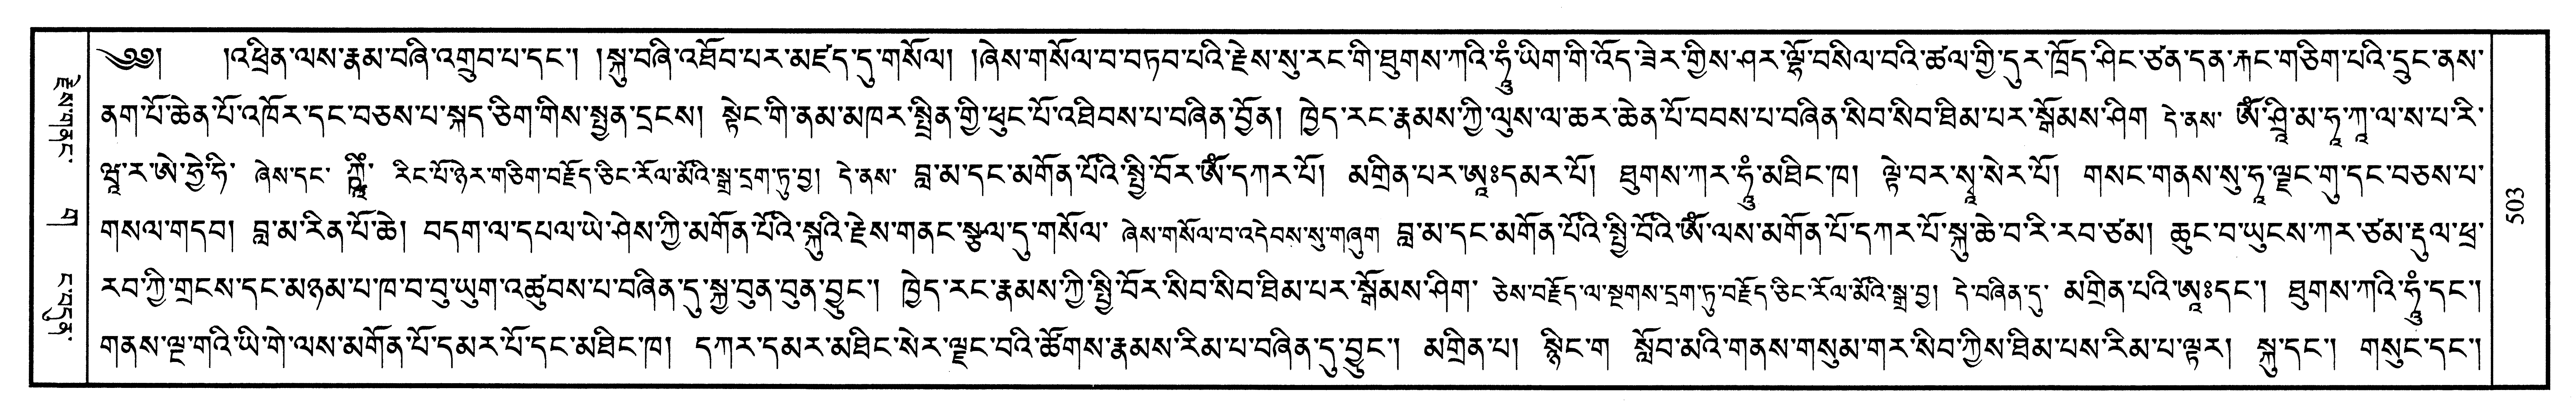༄༅། །འཕྲིན་ལས་རྣམ་བཞི་འགྲུབ་པ་དང་། །སྐུ་བཞི་འཐོབ་པར་མཛད་དུ་གསོལ། །ཞེས་གསོལ་བ་བཏབ་པའི་རྗེས་སུ་རང་གི་ཐུགས་ཀའི་ཧཱུཾ་ཡིག་གི་འོད་ཟེར་གྱིས་ཤར་ལྷོ་བསིལ་བའི་ཚལ་གྱི་དུར་ཁྲོད་ཤིང་ཙན་དན་རྐང་གཅིག་པའི་དྲུང་ནས་
ནག་པོ་ཆེན་པོ་འཁོར་དང་བཅས་པ་སྐད་ཅིག་གིས་སྤྱན་དྲངས། སྟེང་གི་ནམ་མཁར་སྤྲིན་གྱི་ཕུང་པོ་འཐིབས་པ་བཞིན་བྱོན། ཁྱེད་རང་རྣམས་ཀྱི་ལུས་ལ་ཆར་ཆེན་པོ་བབས་པ་བཞིན་སིབ་སིབ་ཐིམ་པར་སྒོམས་ཤིག་དེ་ནས་ཨོཾ་ཤྲཱི་མ་ཧཱ་ཀཱ་ལ་ས་པ་རི་
ཝཱ་ར་ཨེ་ཧྱེ་ཧི་ཞེས་དང་ཀྵཱིཾ་རིང་པོ་ཉེར་གཅིག་བརྗོད་ཅིང་རོལ་མོའི་སྒྲ་དྲག་ཏུ་བྱ། དེ་ནས་བླ་མ་དང་མགོན་པོའི་སྤྱི་བོར་ཨོཾ་དཀར་པོ། མགྲིན་པར་ཨཱཿ དམར་པོ། ཐུགས་ཀར་ཧཱུཾ་མཐིང་ཁ། ལྟེ་བར་སྭཱ་སེར་པོ། གསང་གནས་སུ་ཧཱ་ལྗང་གུ་དང་བཅས་པ་
གསལ་གདབ། བླ་མ་རིན་པོ་ཆེ། བདག་ལ་དཔལ་ཡེ་ཤེས་ཀྱི་མགོན་པོའི་སྐུའི་རྗེས་གནང་སྩལ་དུ་གསོལ་ཞེས་གསོལ་བ་འདེབས་སུ་གཞུག་བླ་མ་དང་མགོན་པོའི་སྤྱི་བོའི་ཨོམ་ལས་མགོན་པོ་དཀར་པོ་སྐུ་ཆེ་བ་རི་རབ་ཙམ། ཆུང་བ་ཡུངས་ཀར་ཙམ་རྡུལ་ཕྲ་
རབ་ཀྱི་གྲངས་དང་མཉམ་པ་ཁ་བ་བུ་ཡུག་འཚུབས་པ་བཞིན་དུ་སྐྱ་བུན་བུན་བྱུང་། ཁྱེད་རང་རྣམས་ཀྱི་སྤྱི་བོར་སིབ་སིབ་ཐིམ་པར་སྒོམས་ཤིག་ཅེས་བརྗོད་ལ་སྔགས་དྲག་ཏུ་བརྗོད་ཅིང་རོལ་མོའི་སྒྲ་བྱ། དེ་བཞིན་དུ་མགྲིན་པའི་ཨཱཿ དང་། ཐུགས་ཀའི་ཧཱུཾ་དང་།
གནས་ལྔ་གའི་ཡི་གེ་ལས་མགོན་པོ་དམར་པོ་དང་མཐིང་ཁ། དཀར་དམར་མཐིང་སེར་ལྗང་བའི་ཚོགས་རྣམས་རིམ་པ་བཞིན་དུ་བྱུང་། མགྲིན་པ། སྙིང་ག་སློབ་མའི་གནས་གསུམ་གར་སིབ་ཀྱིས་ཐིམ་པས་རིམ་པ་ལྟར། སྐུ་དང་། གསུང་དང་།